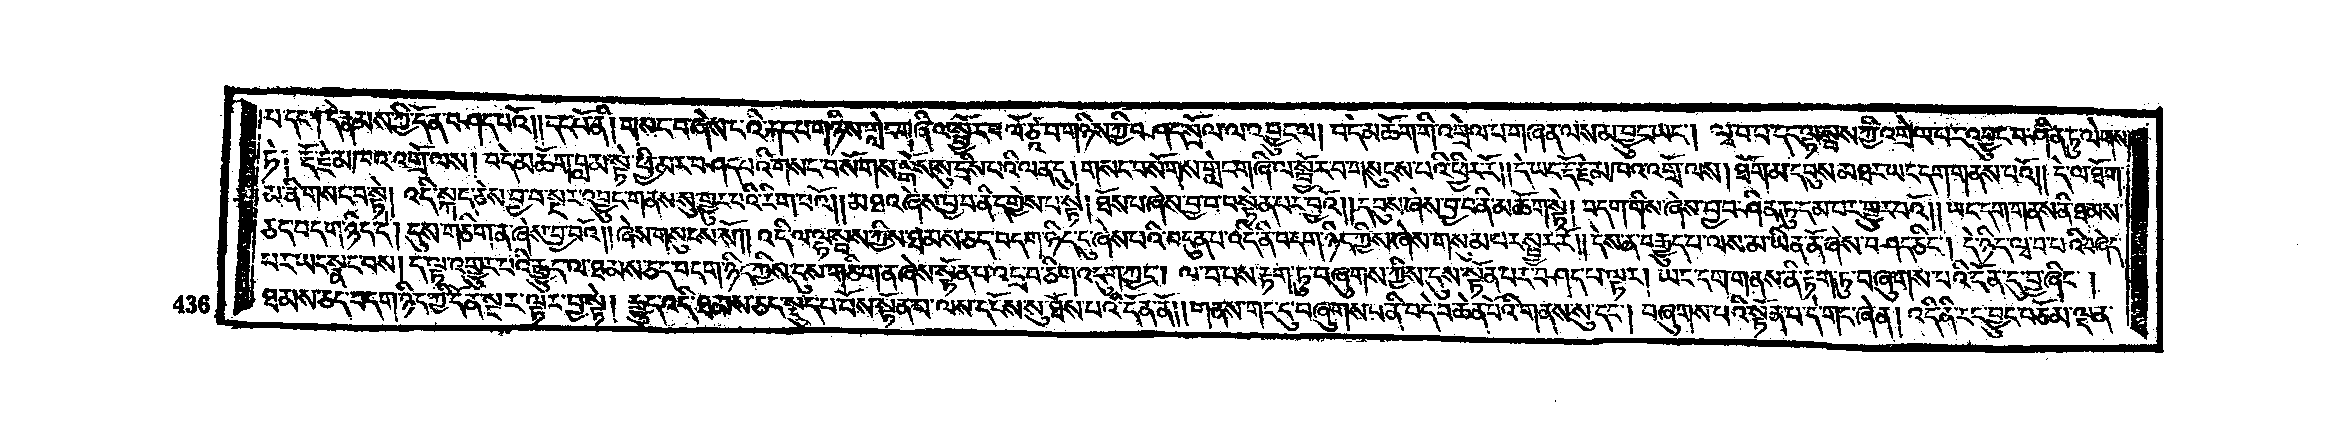པ་དང་། དེ་རྣམས་ཀྱི་དོན་བཤད་པའོ། །དང་པོ་ནི། གསང་བ་ཞེས་པའི་རྐང་པ་གཉིས་གླེང་གཞི་ལ་སྦྱོར་བ་ལོ་ཙཱ་བ་གཉིས་ཀྱི་བཤད་སྲོལ་ལ་འབྱུང་ལ། བདེ་མཆོག་གི་འགྲེལ་པ་གཞན་ལས་མ་བྱུང་ཡང་། ལྭ་བ་པ་དང་ལྷ་སྦས་ཀྱི་འགྲེལ་པར་འབྱུང་བ་ཤིན་ཏུ་ལེགས་
ཏེ། རྡོ་རྗེ་མཁའ་འགྲོ་ལས། བདེ་མཆོག་བླ་མ་སྟེ་ཕྱི་མར་བཤད་པའི་གསང་བ་སོགས་སྒོས་སུ་དྲིས་པའི་ལན་དུ། གསང་བ་སོགས་གླེང་གཞི་ལ་སྦྱོར་བ་གསུངས་པའི་ཕྱིར་རོ། །དེ་ཡང་རྡོ་རྗེ་མཁའ་འགྲོ་ལས། ཐོག་མ་དབུས་མཐར་ཡང་དག་གནས་པའོ། །དེ་ལ་ཐོག་
མ་ནི་གསང་བ་སྟེ། འདི་སྐད་ཅེས་བྱ་བ་སྔར་འབྱུང་གནས་སུ་གྱུར་པའི་རིག་པའོ། །མཐའ་ཞེས་བྱ་བ་ནི་དགྱེས་པ་སྟེ། ཐོས་པ་ཞེས་བྱ་བ་བསྟེན་པར་བྱའོ། །དབུས་ཞེས་བྱ་བ་ནི་མཆོག་སྟེ། བདག་གིས་ཞེས་བྱ་བ་ཤིན་ཏུ་དམ་པར་གྱུར་པའོ། །ཡང་དག་གནས་ནི་ཐམས་
ཅད་བདག་ཉིད་དེ། དུས་གཅིག་ན་ཞེས་བྱ་བའོ། །ཞེས་གསུངས་སོ། །འདི་ལ་ལྷ་སྦས་ཀྱིས་ཐམས་ཅད་བདག་ཉིད་དུ་ཞེས་པའི་བདུན་པ་འདི་ནི་བདག་ཉིད་ཀྱིས་ཞེས་གསུམ་པར་སྦྱར་རོ། །དེས་ན་བརྒྱུད་པ་ལས་མ་ཡིན་ནོ་ཞེས་བཤད་ཅིང་། དེ་ཉིད་ལྭ་བ་པའི་བཞེད་
པར་ཡང་སྣང་བས། ད་ལྟ་འགྱུར་པའི་རྒྱུད་ལ་ཐམས་ཅད་བདག་ཉིད་ཀྱིས་དུས་གཅིག་ན་ཞེས་སྟོན་པ་འདྲ་བ་ཅིག་འདུག་ཀྱང་། ལྭ་བ་པས་རྟག་ཏུ་བཞུགས་ཀྱིས་དུས་སྟོན་པར་བཤད་པ་ལྟར། ཡང་དག་གནས་ནི་རྟག་ཏུ་བཞུགས་པའི་དོན་དུ་བྱ་ཞིང་།
ཐམས་ཅད་བདག་ཉིད་ཀྱི་དོན་སྔར་ལྟར་བྱ་སྟེ། རྒྱུད་འདི་ཐམས་ཅད་སྡུད་པ་པོས་སྟོན་པ་ལས་དངོས་སུ་ཐོས་པའི་དོན་ནོ། །གནས་གང་དུ་བཞུགས་པ་ནི་བདེ་བ་ཆེན་པོའི་གནས་སུ་དང་། བཞུགས་པའི་སྟོན་པ་དེ་གང་ཞེ་ན། འདི་ནི་རང་བྱུང་བཅོམ་ལྡན་